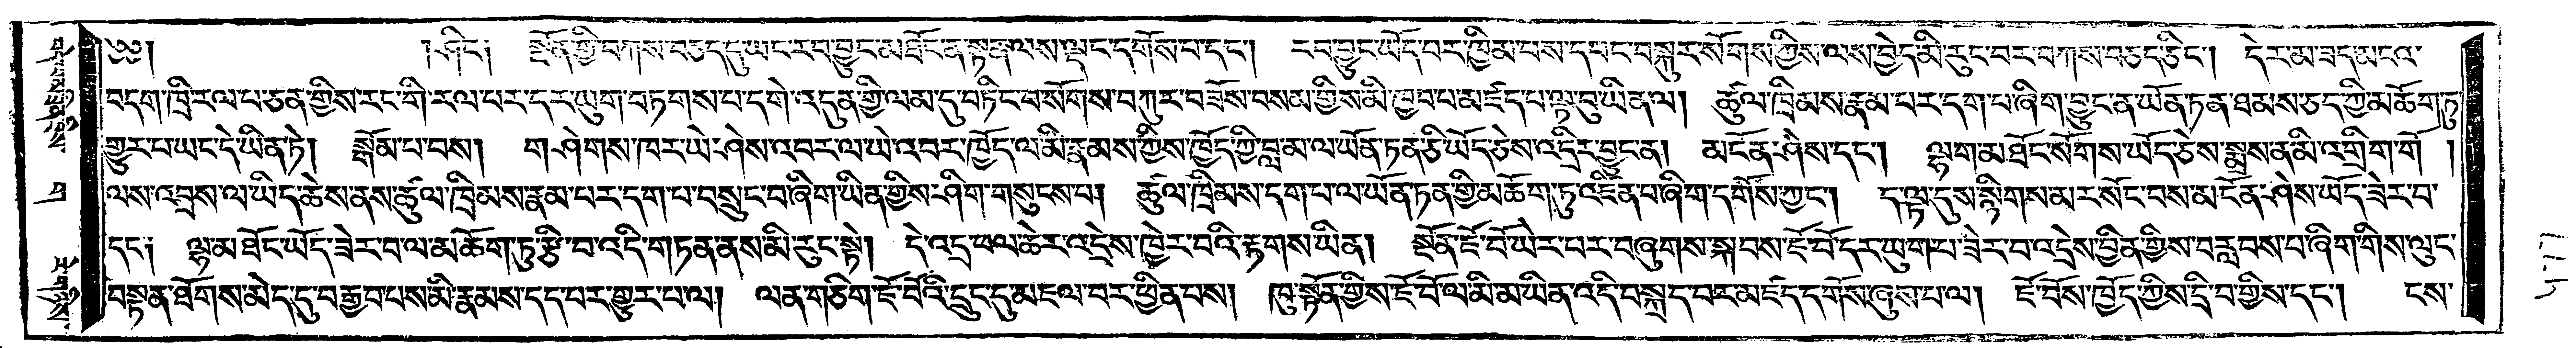༄༅། །ཤིང༑ སྔོན་གྱི་བཀས་བཅད་དུ་ཡང་རབ་བྱུང་མཐོང་ན་སྟན་ལས་ལྡང་དགོས་པ་དང་། རབ་བྱུང་ཡོད་པར་ཁྱིམ་པས་དབང་བསྐུར་སོགས་ཀྱིས་ལས་བྱེད་མི་རུང་བར་བཀས་བཅད་ཅིང་། དེར་མ་ཟད་མངའ་
བདག་ཁྲི་རལ་བ་ཅན་གྱིས་རང་གི་རལ་པར་དར་ཡུག་བཏགས་པ་དགེ་འདུན་གྱི་ལམ་དུ་བཏིང་བ་སོགས་བཀུར་བཟོས་བསམ་གྱིས་མི་ཁྱབ་པ་མཛད་པ་ལྟ་བུ་ཡིན་ལ། ཚུལ་ཁྲིམས་རྣམ་པར་དག་པ་ཞིག་བྱུང་ན་ཡོན་ཏན་ཐམས་ཅད་ཀྱི་མཆོག་ཏུ་
གྱུར་པ་ཡང་དེ་ཡིན་ཏེ། སྒོམ་པ་བས། གཤེགས་ཁར་ཡེ་ཤེས་འབར་ལ་ཡེ་འབར་ཁྱོད་ལ་མི་རྣམས་ཀྱིས་ཁྱོད་ཀྱི་བླ་མ་ལ་ཡོན་ཏན་ཅི་ཡོད་ཅེས་འདྲིར་བྱུང་ན། མངོན་ཤེས་དང་། ལྷག་མཐོང་སོགས་ཡོད་ཅེས་སྨྲས་ན་མི་འགྲིག་གོ །
ལས་འབྲས་ལ་ཡིད་ཆེས་ནས་ཚུལ་ཁྲིམས་རྣམ་པར་དག་པ་བསྲུང་བ་ཞིག་ཡིན་གྱིས་ཤིག་གསུངས་པ། ཚུལ་ཁྲིམས་དག་པ་ལ་ཡོན་ཏན་གྱི་མཆོག་ཏུ་འཛིན་པ་ཞིག་དགོས་ཀྱང་། ད་ལྟ་དུས་སྙིགས་མར་སོང་བས་མངོན་ཤེས་ཡོད་ཟེར་བ་
དང༑ ལྷ་མཐོང་ཡོད་ཟེར་བ་ལ་མཆོག་ཏུ་རྩེ་བ་འདི་གཏན་ནས་མི་རུང་སྟེ། དེ་འདྲ་ཕལ་ཆེར་འདྲེས་ཁྱེར་བའི་རྟགས་ཡིན། སྔོན་ཇོ་བོ་ཡེར་པར་བཞུགས་སྐབས་ཇོ་བོ་དར་ཡུག་པ་ཟེར་བ་འདྲེས་བྱིན་གྱིས་བརླབས་བ་ཞིག་གིས་ལུང་
བསྟན་ཐོགས་མེད་དུ་བརྒྱབ་པས་མི་རྣམས་དད་པར་གྱུར་པ་ལ། ལན་གཅིག་ཇོ་བོའི་དྲུང་དུ་མཇལ་བར་ཕྱིན་པས། ཁུ་སྟོན་གྱིས་ཇོ་བོ་ལ་མི་མ་ཡིན་འདི་བསྐྲད་པར་མཛད་དགོས་ཞུས་པ་ལ། ཇོ་བོས་ཁྱོད་ཀྱིས་དྲི་བ་གྱིས་དང་། ངས་